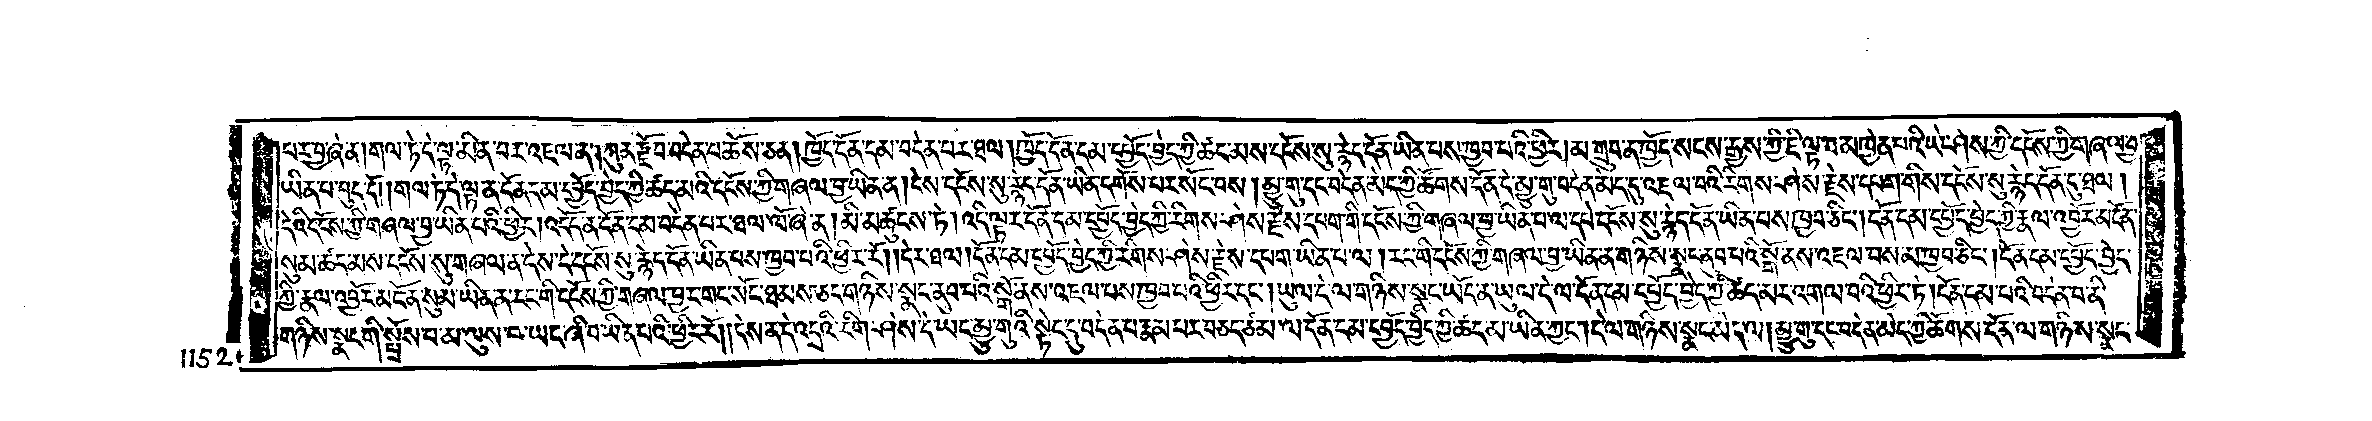པར་བྱ་ཞེ་ན། གལ་ཏེ་དེ་ལྟ་མིན་པར་འཇལ་ན། ཀུན་རྫོབ་བདེན་པ་ཆོས་ཅན། ཁྱོད་དོན་དམ་བདེན་པར་ཐལ། ཁྱོད་དོན་དམ་དཔྱོད་བྱེད་ཀྱི་ཚད་མས་དངོས་སུ་རྙེད་དོན་ཡིན་པས་ཁྱབ་པའི་ཕྱིར། མ་གྲུབ་ན་ཁྱོད་སངས་རྒྱས་ཀྱི་ཇི་ལྟ་བ་མཁྱེན་པའི་ཡེ་ཤེས་ཀྱི་དངོས་ཀྱི་གཞལ་བྱ་
ཡིན་པ་བུད་དོ། །གལ་ཏེ་དེ་ལྟ་ན་དོན་དམ་དཔྱོད་བྱེད་ཀྱི་ཚད་མའི་དངོས་ཀྱི་གཞལ་བྱ་ཡིན་ན། དེས་དངོས་སུ་རྙེད་དོན་ཡིན་དགོས་པར་སོང་བས། མྱུ་གུ་དང་བདེན་མེད་ཀྱི་ཚོགས་དོན་དེ་མྱུ་གུ་བདེན་མེད་དུ་འཇལ་བའི་རིགས་ཤེས་རྗེས་དཔག་གིས་དངོས་སུ་རྙེད་དོན་དུ་ཐལ།
དེའི་དངོས་ཀྱི་གཞལ་བྱ་ཡིན་པའི་ཕྱིར། འདོད་ན་དོན་དམ་བདེན་པར་ཐལ་ལོ་ཞེ་ན། མི་མཚུངས་ཏེ། འདི་ལྟར་དོན་དམ་དཔྱོད་བྱེད་ཀྱི་རིགས་ཤེས་རྗེས་དཔག་གི་དངོས་ཀྱི་གཞལ་བྱ་ཡིན་པ་ལ་དཔེ་དངོས་སུ་རྙེད་དོན་ཡིན་པས་ཁྱབ་ཅིང་། དོན་དམ་དཔྱོད་བྱེད་ཀྱི་རྣལ་འབྱོར་མངོན་
སུམ་ཚད་མས་དངོས་སུ་གཞལ་ན་དེས་དེ་དངོས་སུ་རྙེད་དོན་ཡིན་པས་ཁྱབ་པའི་ཕྱིར་རོ། །དེར་ཐལ། དོན་དམ་དཔྱོད་བྱེད་ཀྱི་རིགས་ཤེས་རྗེས་དཔག་ཡིན་པ་ལ། རང་གི་དངོས་ཀྱི་གཞལ་བྱ་ཡིན་ན་གཉིས་སྣང་ནུབ་པའི་སྒོ་ནས་འཇལ་བས་མ་ཁྱབ་ཅིང་། དོན་དམ་དཔྱོད་བྱེད་
ཀྱི་རྣལ་འབྱོར་མངོན་སུམ་ཡིན་ན་རང་གི་དངོས་ཀྱི་གཞལ་བྱར་གང་སོང་ཐམས་ཅད་གཉིས་སྣང་ནུབ་པའི་སྒོ་ནས་འཇལ་བས་ཁྱབ་བའི་ཕྱིར་དང་། ཡུལ་དེ་ལ་གཉིས་སྣང་ཡོད་ན་ཡུལ་དེ་ལ་དོན་དམ་དཔྱོད་བྱེད་ཀྱི་ཚད་མར་འགལ་བའི་ཕྱིར་ཏེ། དོན་དམ་པའི་བདེན་པ་ནི་
གཉིས་སྣང་གི་སྤྲོས་པ་མ་ལུས་པ་ཡང་ཞི་བ་ཡིན་པའི་ཕྱིར་རོ། །དེས་ན་དེ་འདྲའི་རིག་ཤེས་དེ་ཡང་མྱུ་གུའི་སྟེང་དུ་བདེན་པ་རྣམ་པར་བཅད་ཙམ་ལ་དོན་དམ་དཔྱོད་བྱེད་ཀྱི་ཚད་མ་ཡིན་ཀྱང་། དེ་ལ་གཉིས་སྣང་མེད་ལ། མྱུ་གུ་དང་བདེན་མེད་ཀྱི་ཚོགས་དོན་ལ་གཉིས་སྣང་